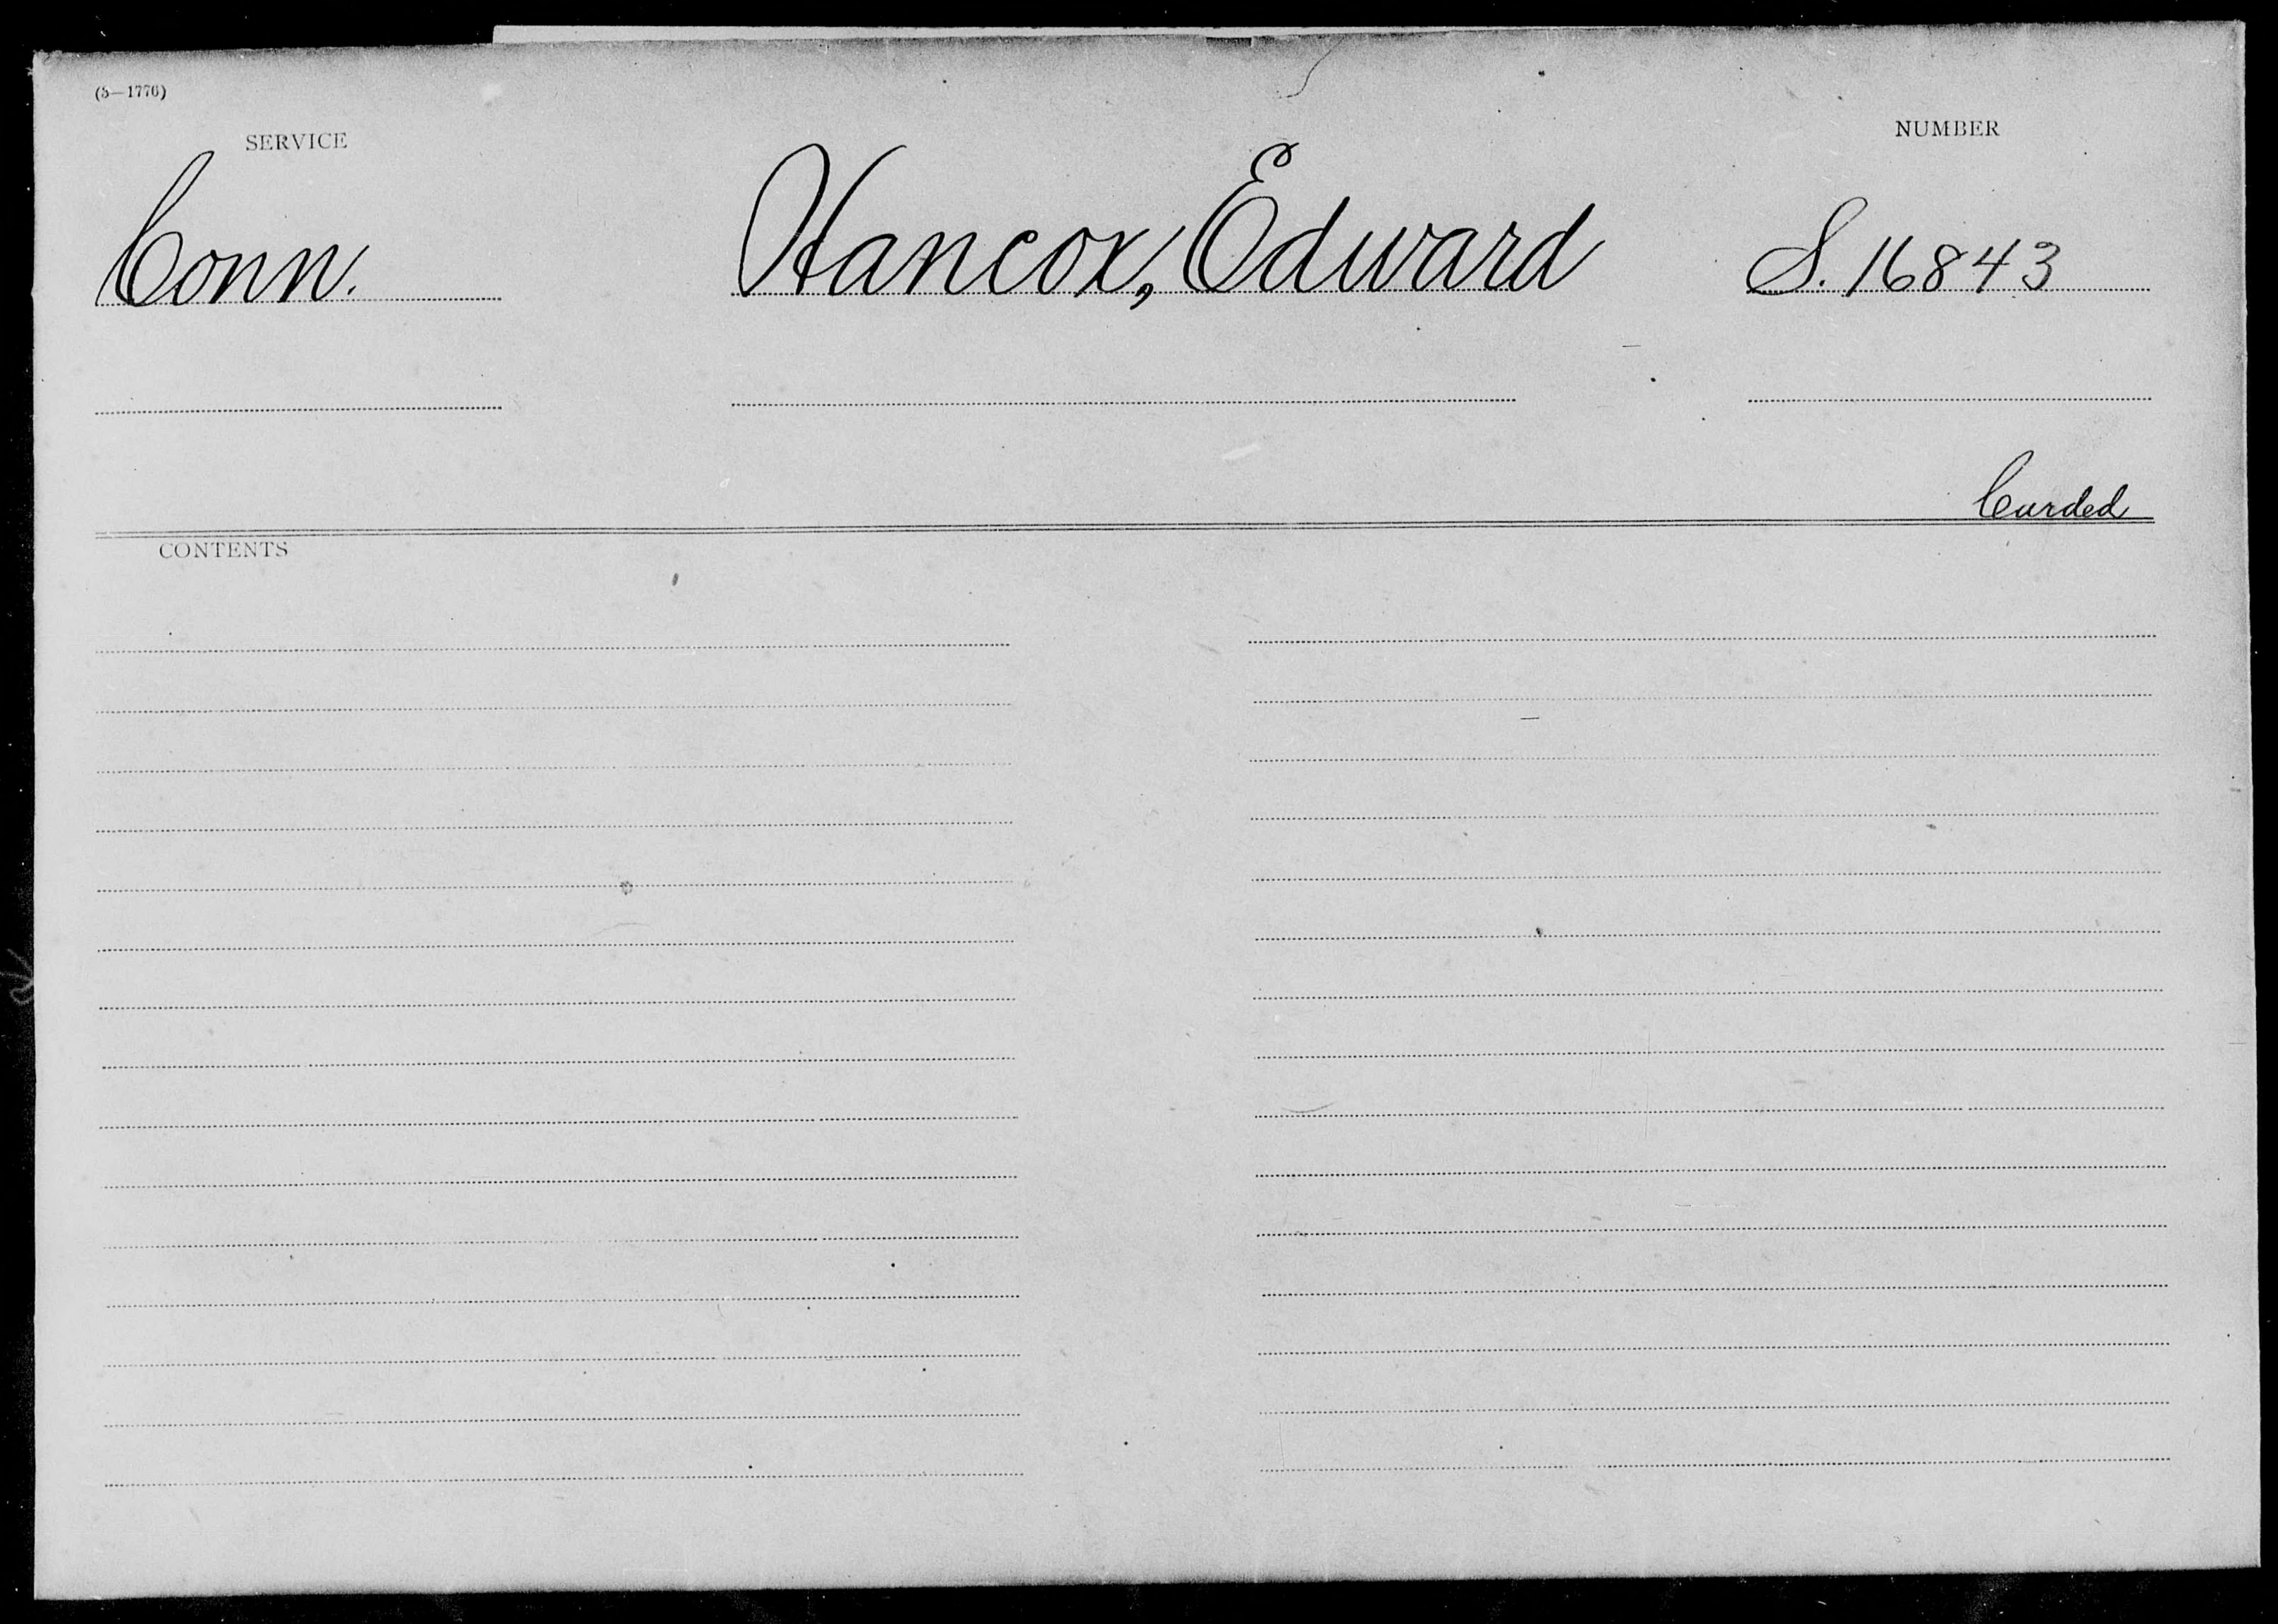(8-1776)
Service
Conn.
Hancox, Edward
Number
S.16843
carded
contents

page: 1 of 26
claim: survivor's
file: S. 16843, Edward Hancox, Conn.